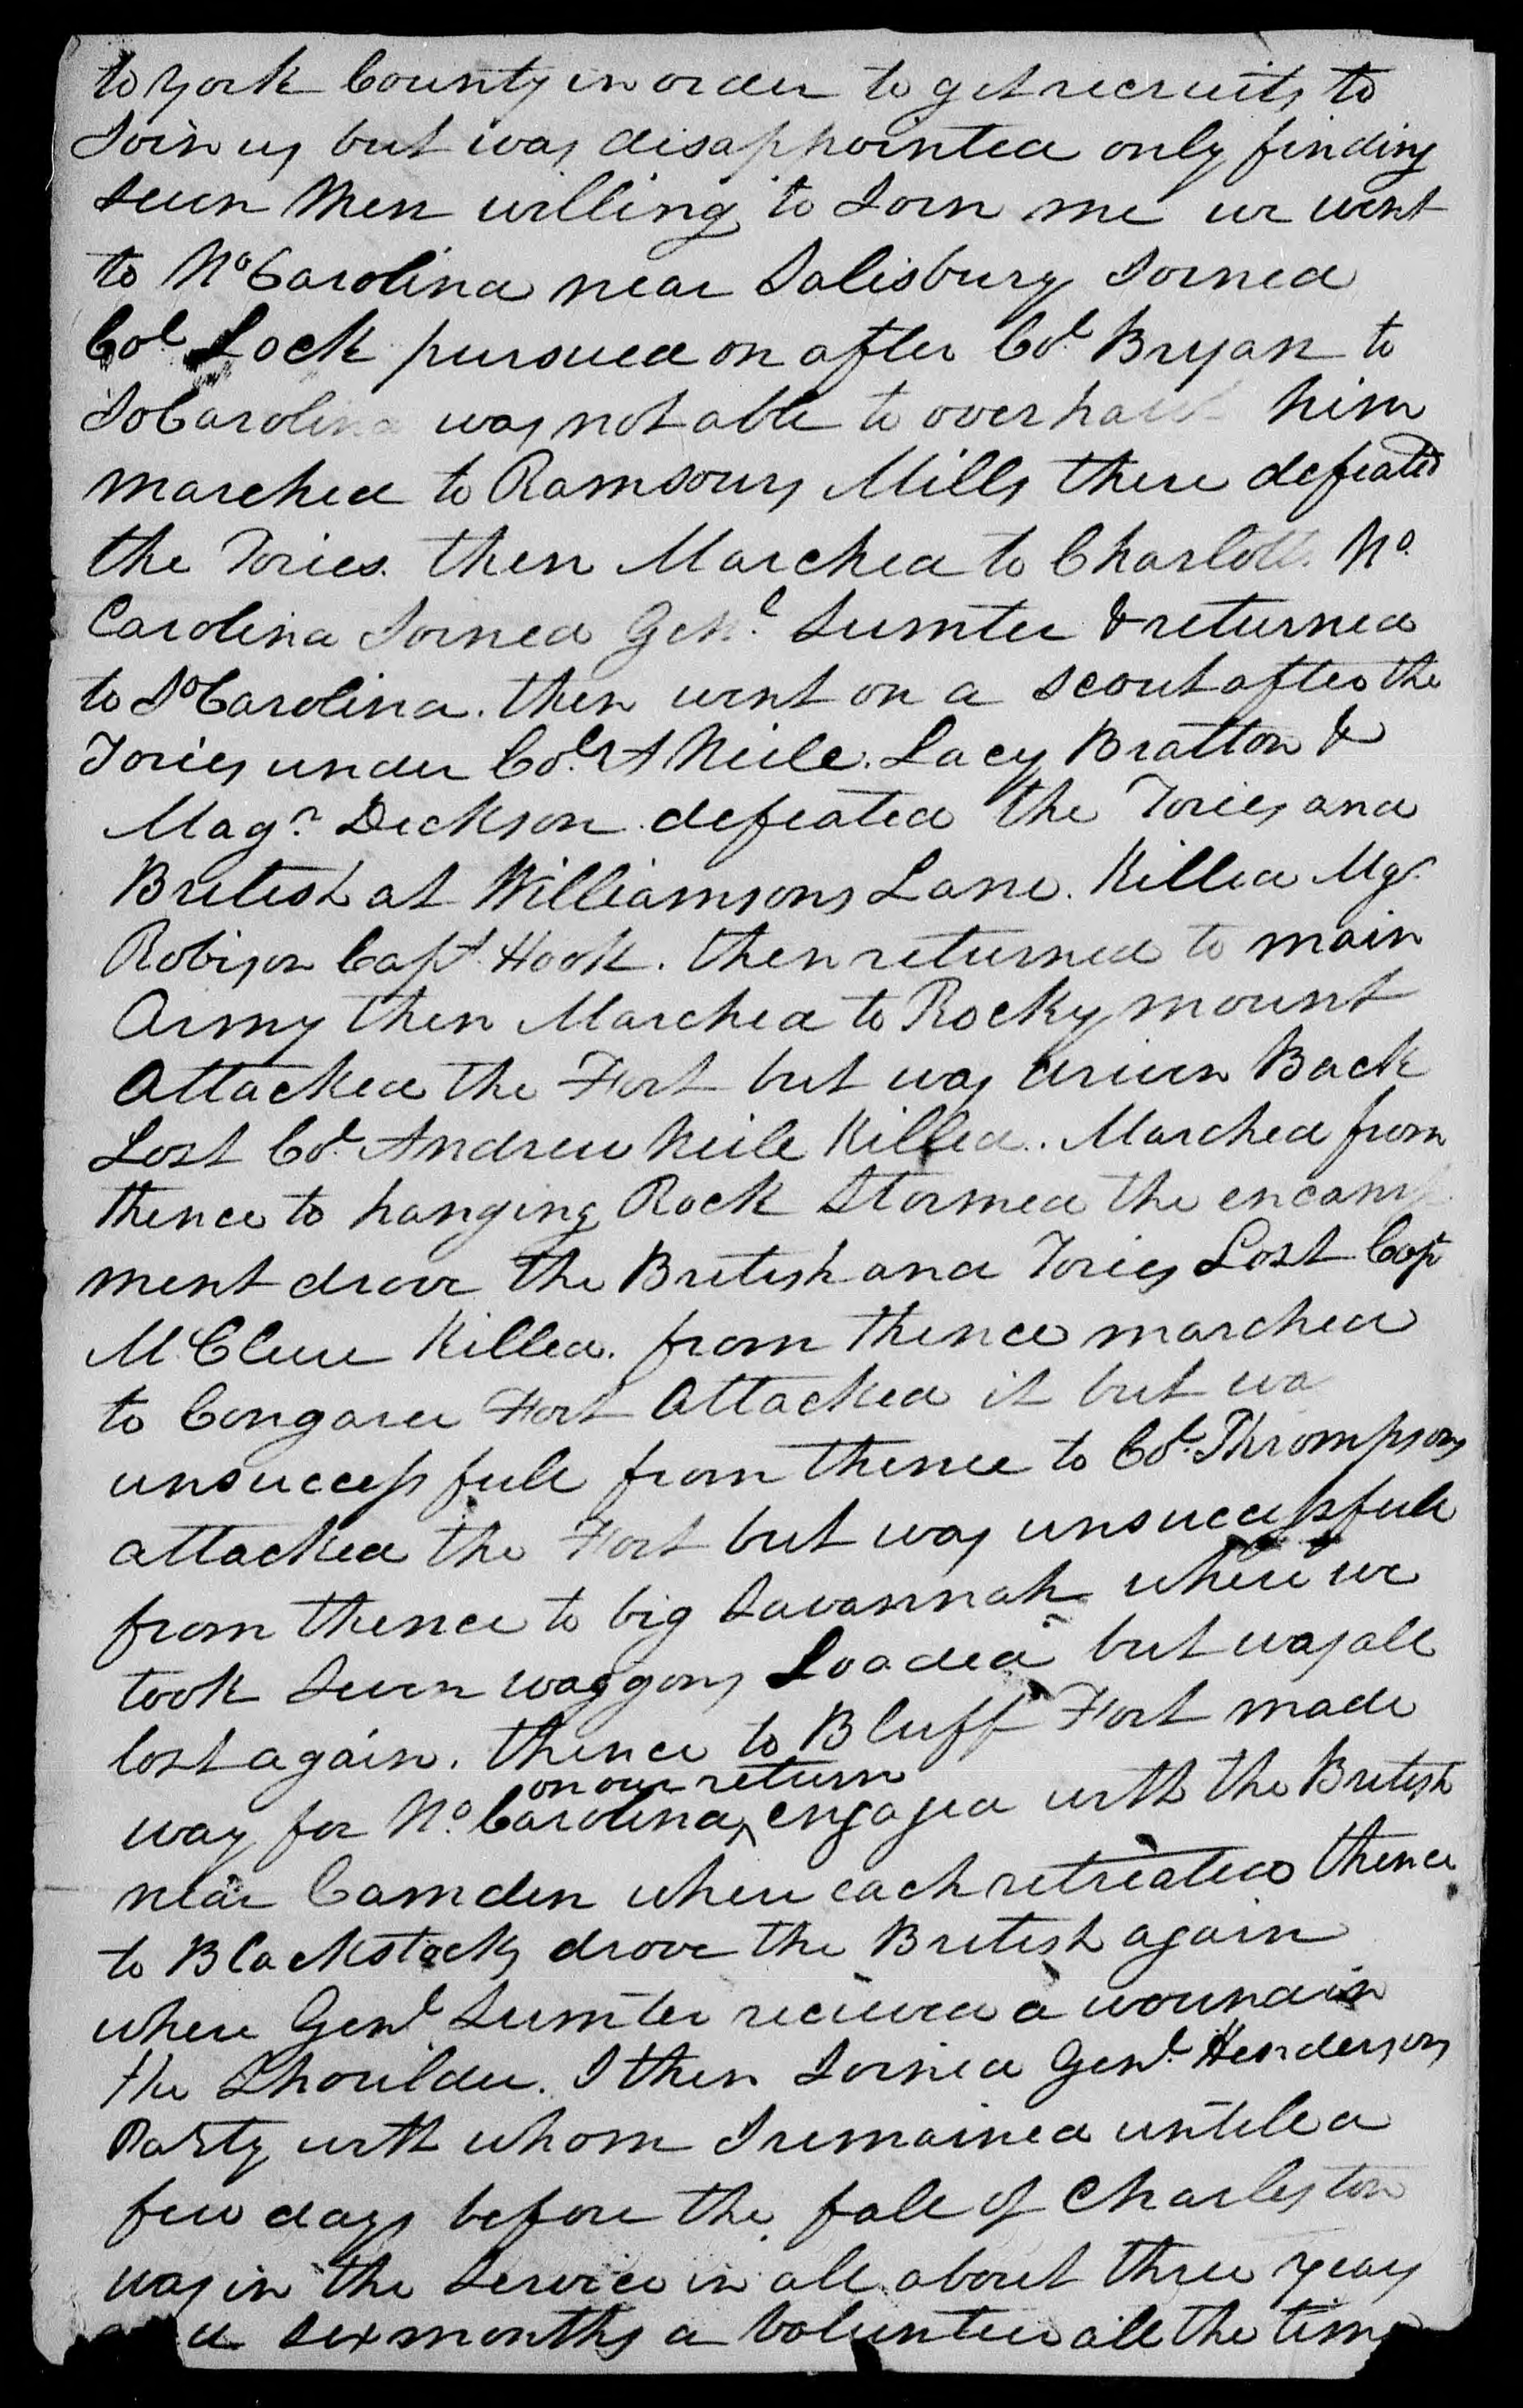to York County in order to get recruits to join up but was disappointed only finding seven men willing to join me  
we went to No Carolina near Salisbury joined Col Lock 
pursued on after Col. Bryan to So Carolina was not able to overhaul him  
marched to Ramsoury Mills there defeated the Tories
 then marched to Charlotte No Carolina  Joined Genl Sumter & returned to So Carolina. 
then went on a scout after the Tories under Col A Neile. 
Lacy Bratton & Magr Dickson defeated the Tories and British at Williamsons Lane. Killed Mg Robines Capt Hook. 
Then returned to main army then marched to Rocky Mount.
Attacked the Fort but was driven back. Lost Col. Andrew Niele killed.
Marched from thence to hanging Rock
Stormed the encampment drove the British and Tories
Lost Capt McClure killed.
from thence marched to Congarer Fort 
Attacked it but was unsuccessfull
from thence to Col. Thrompson
attacked the Fort but was unsuccessful
from thence to big Savannah where we took seven waggons loaded but was all lost again.
thence to Bluff Fork made way for No. Carolina on our return 
engaged with the British near Camden where each retriated
thence to Blackstock drove the British again where Genl Sumter recieved a wound in the shoulder
I then joined Genl. Henderson Party with whom I remained until a few days before the fall of Charleston
was in the service in all about three years and six months a volunteer all the time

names: Sumter, Hook, Lock, A Neile, Henderson, Lacy Bratton, Bryan, Andrew Neile, Thompson, Mc Clure, Robison, Sumter, Dickson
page: 4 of 55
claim: widow's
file: W. 22864, John Craig, S.C. Born In Iceland